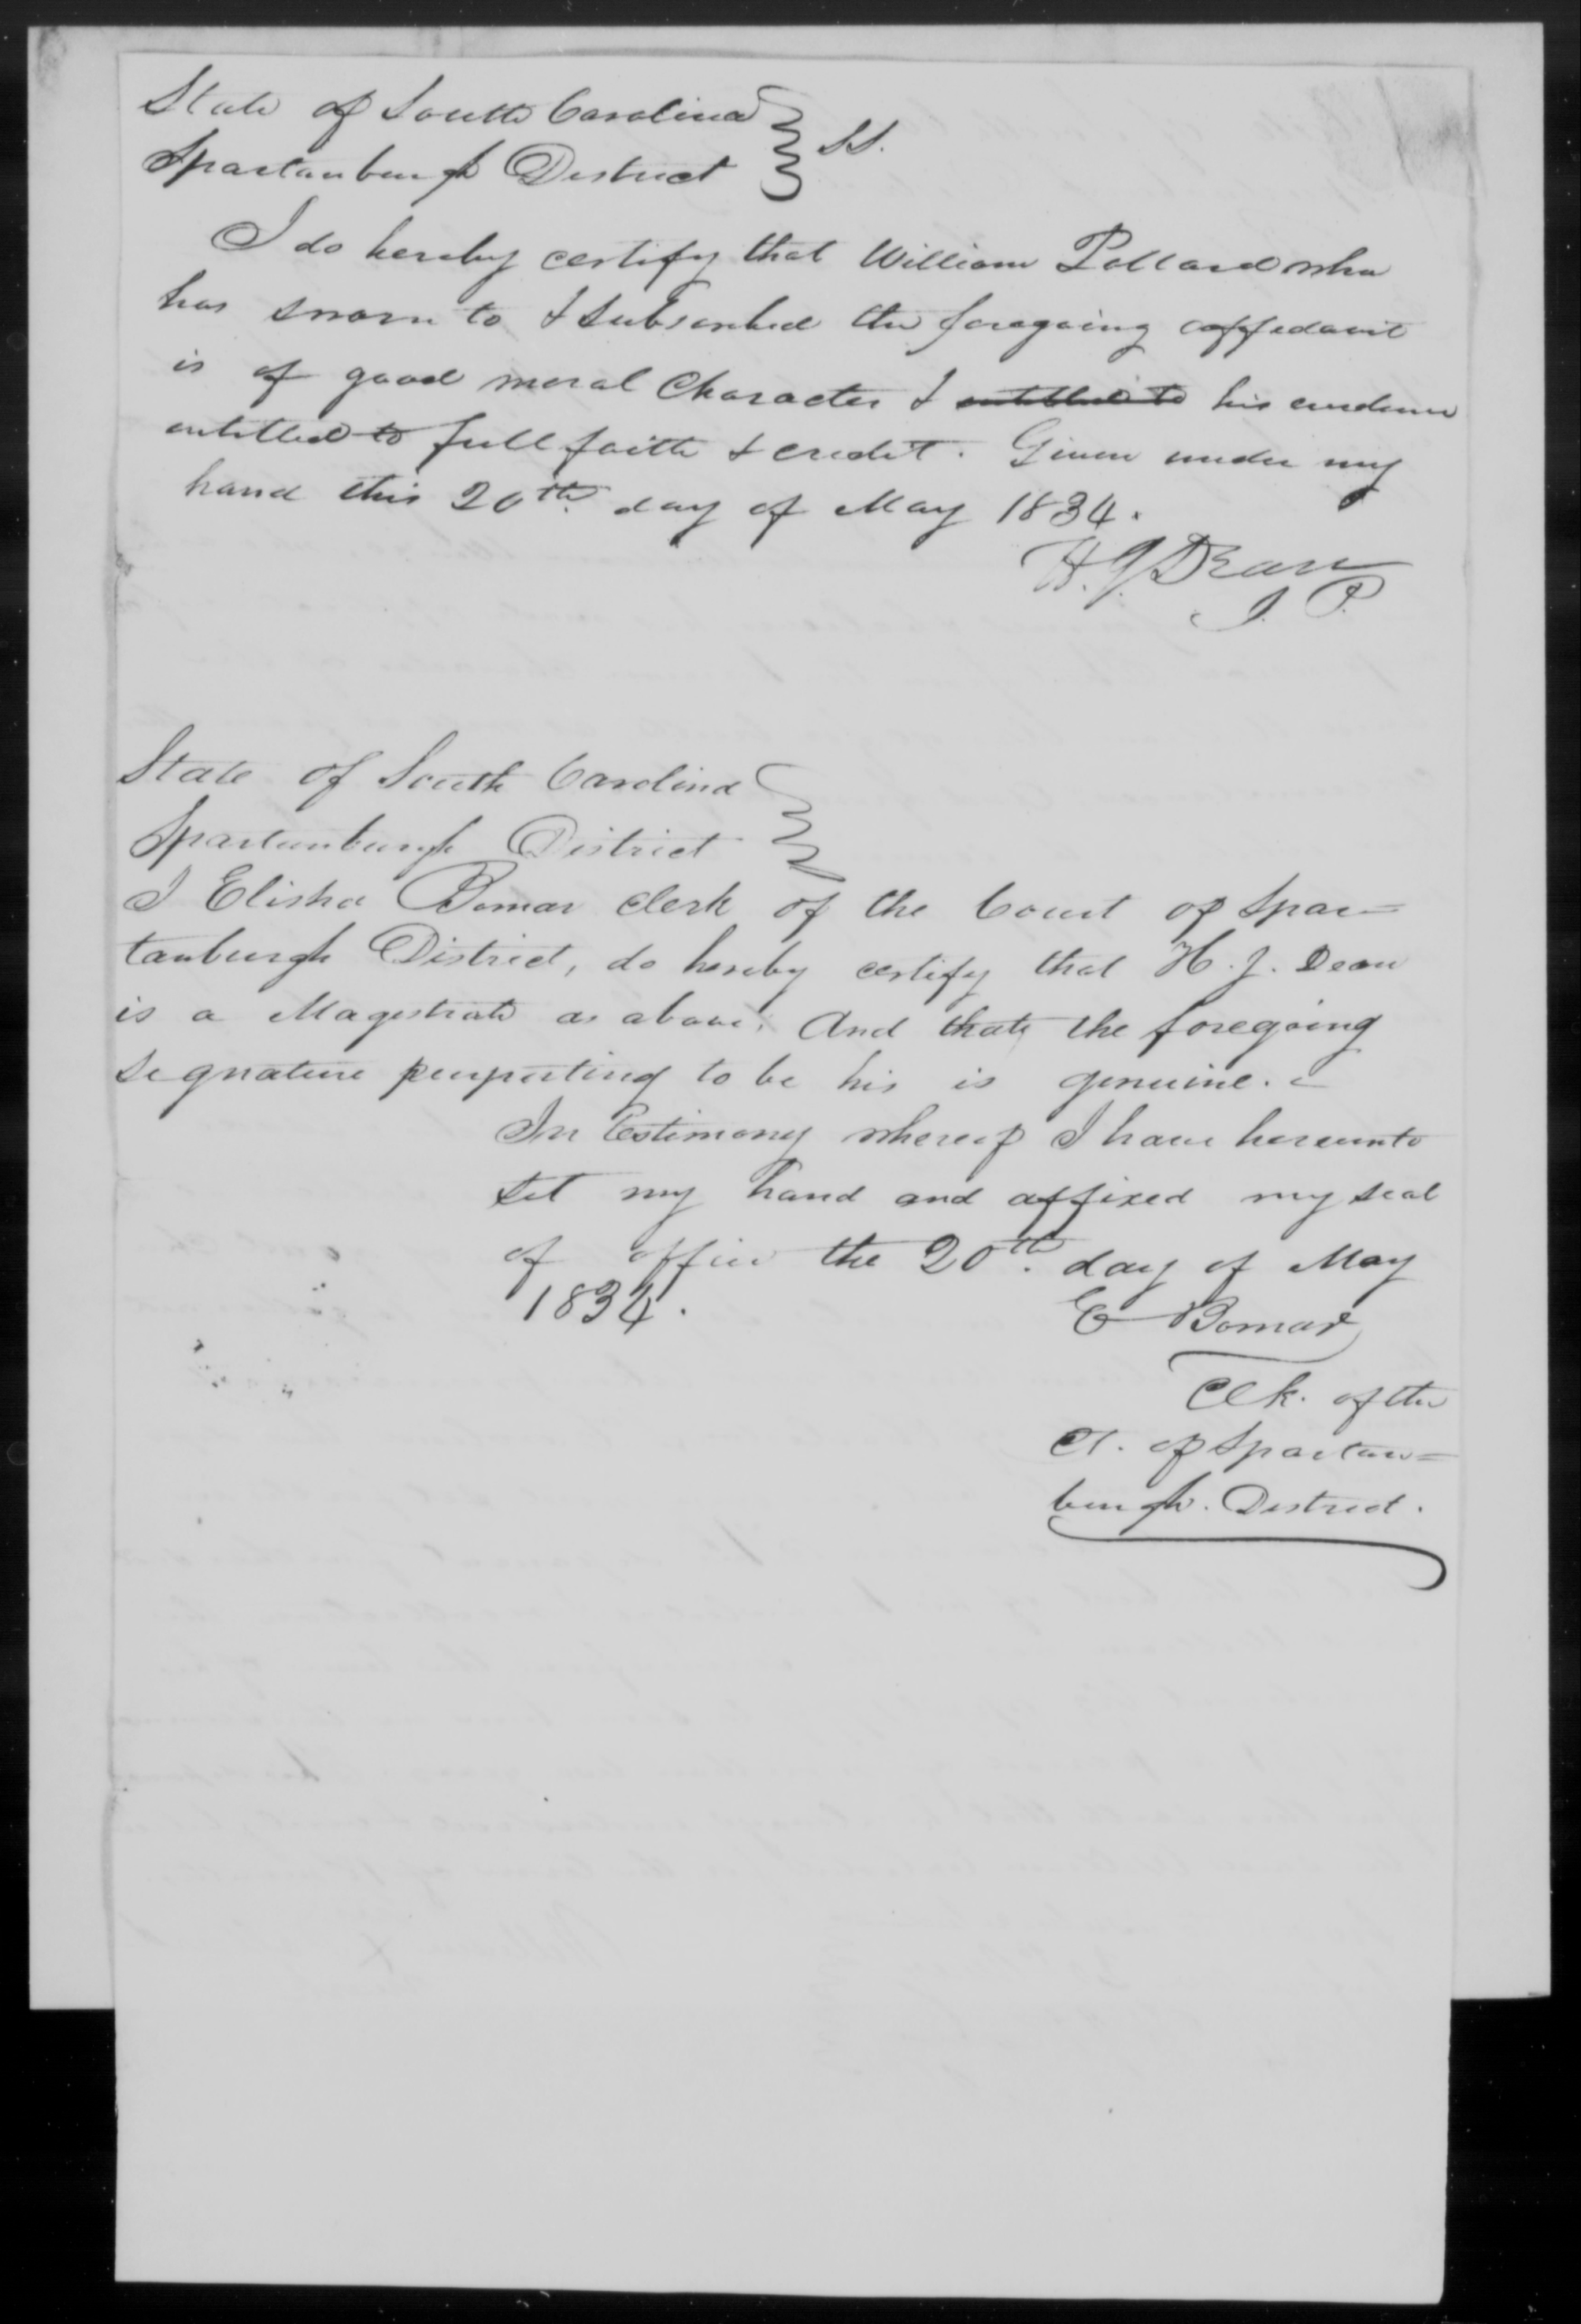State of South Carolina Spartanburgh District} SS.
I do hereby certify that William Pollard who has sworn to & subscribed the foregoing affidavit is of good moral character I  his evidence entitled to full faith & credit. Given under my hand this 20th day of May 1834 H.J. Dean J.P.

State of South Carolina Spartanburgh District}
I Elisha Bomar clerk of the Court of Spartanburgh District, do hereby certify that H. J. Dean is a Magistrate as above and that the foregoing signature purporting to be his is genuine. In testimony whereof I have hereunto set my hand and affixed my seal of office the 20th day of Mary 1834. E Bomar Clk of the Ct. of Spartanburgh. District.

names: H J Dean, William Pollard, Elisha Bomar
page: 13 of 19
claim: survivor's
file: S. 7,896, William Wingo, Va.